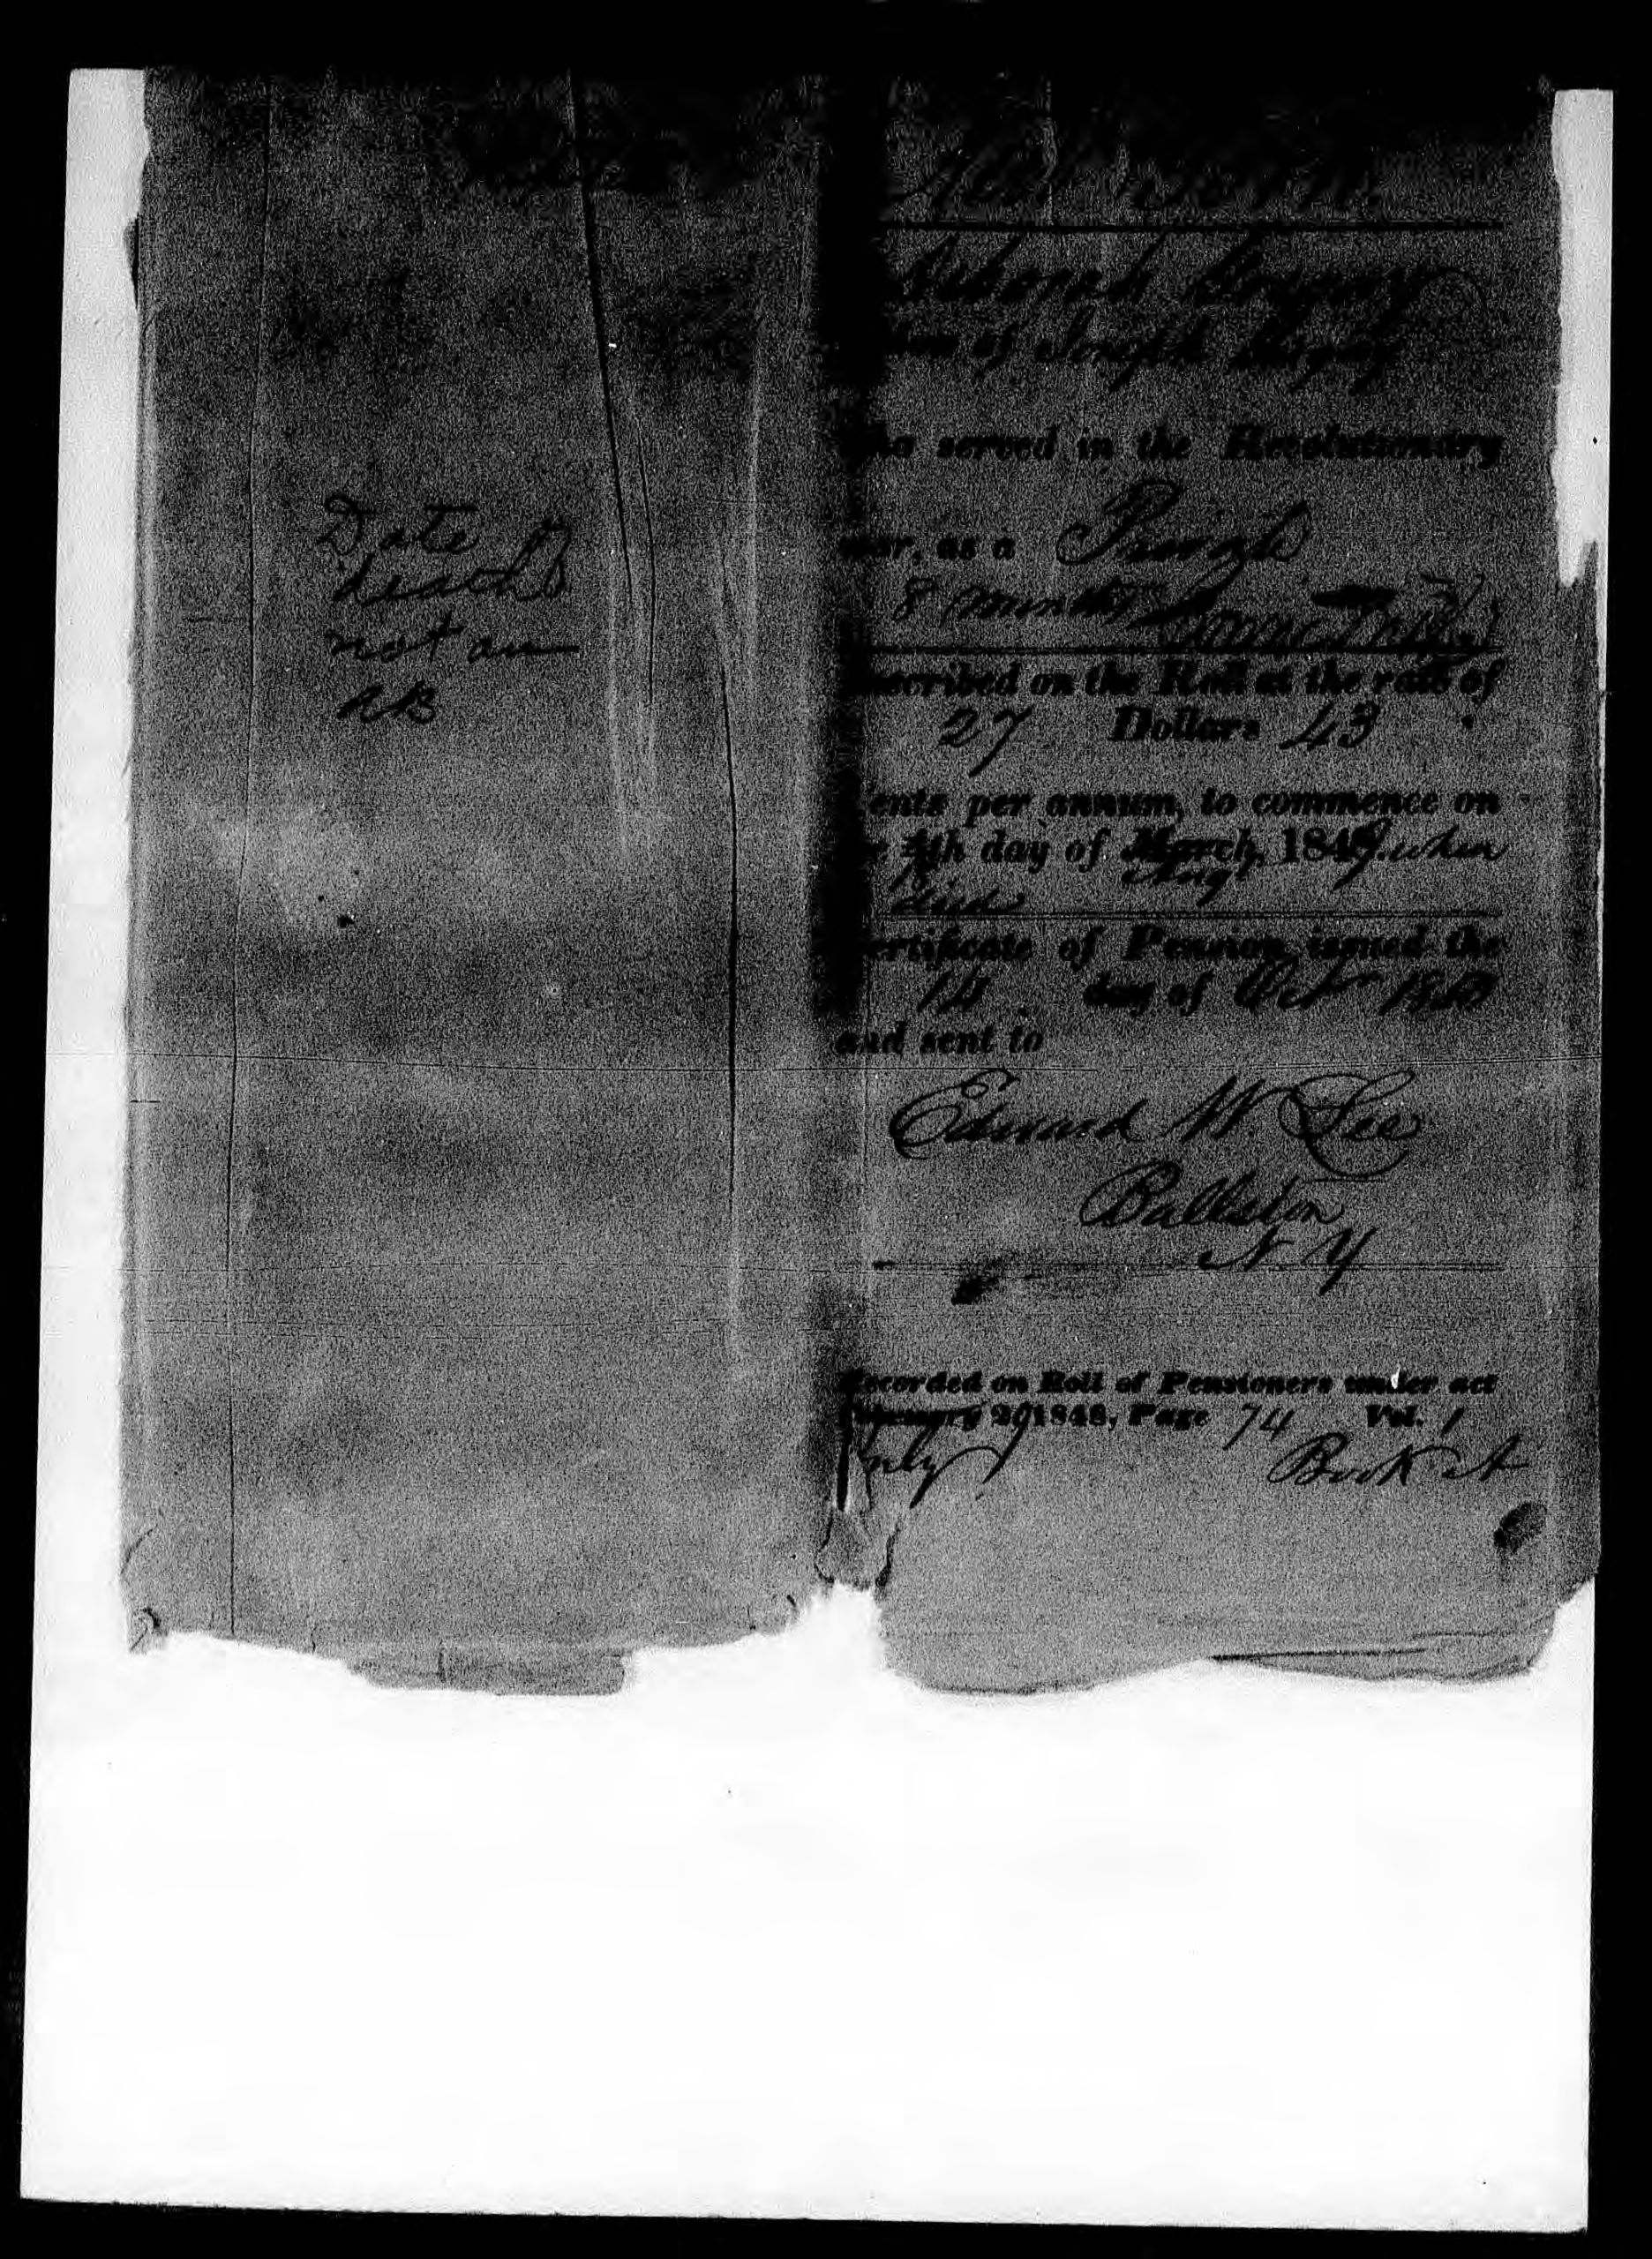[LEFT PAGE]

Date if 
death not 
known
RB


[RIGHT PAGE]

ALBANY   [illegible date]
Deborah Gregory
widow of Joseph Gregory
who served in the Revolutionary 
War as a Private 8 months  in the Connecticut line
______________________
Inscribed on the Roll at the rate of
27 Dollars 43 
Cents per annum, to commence on
the 4th day of May [March is crossed out], 1849 when died
______________________
Certificate of Pension issued on 14th day of October 1849
and sent to
  Edward W. Lee
   Ballston
                NY

Recorded on Roll of Pensioners under act 
July 29, 1848   Page 74   Vol 1  Book A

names: Joseph Gregory, Edward W Lee, Deborah Gregory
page: 3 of 34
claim: widow's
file: W. 1596, Joseph Gregory, Conn.